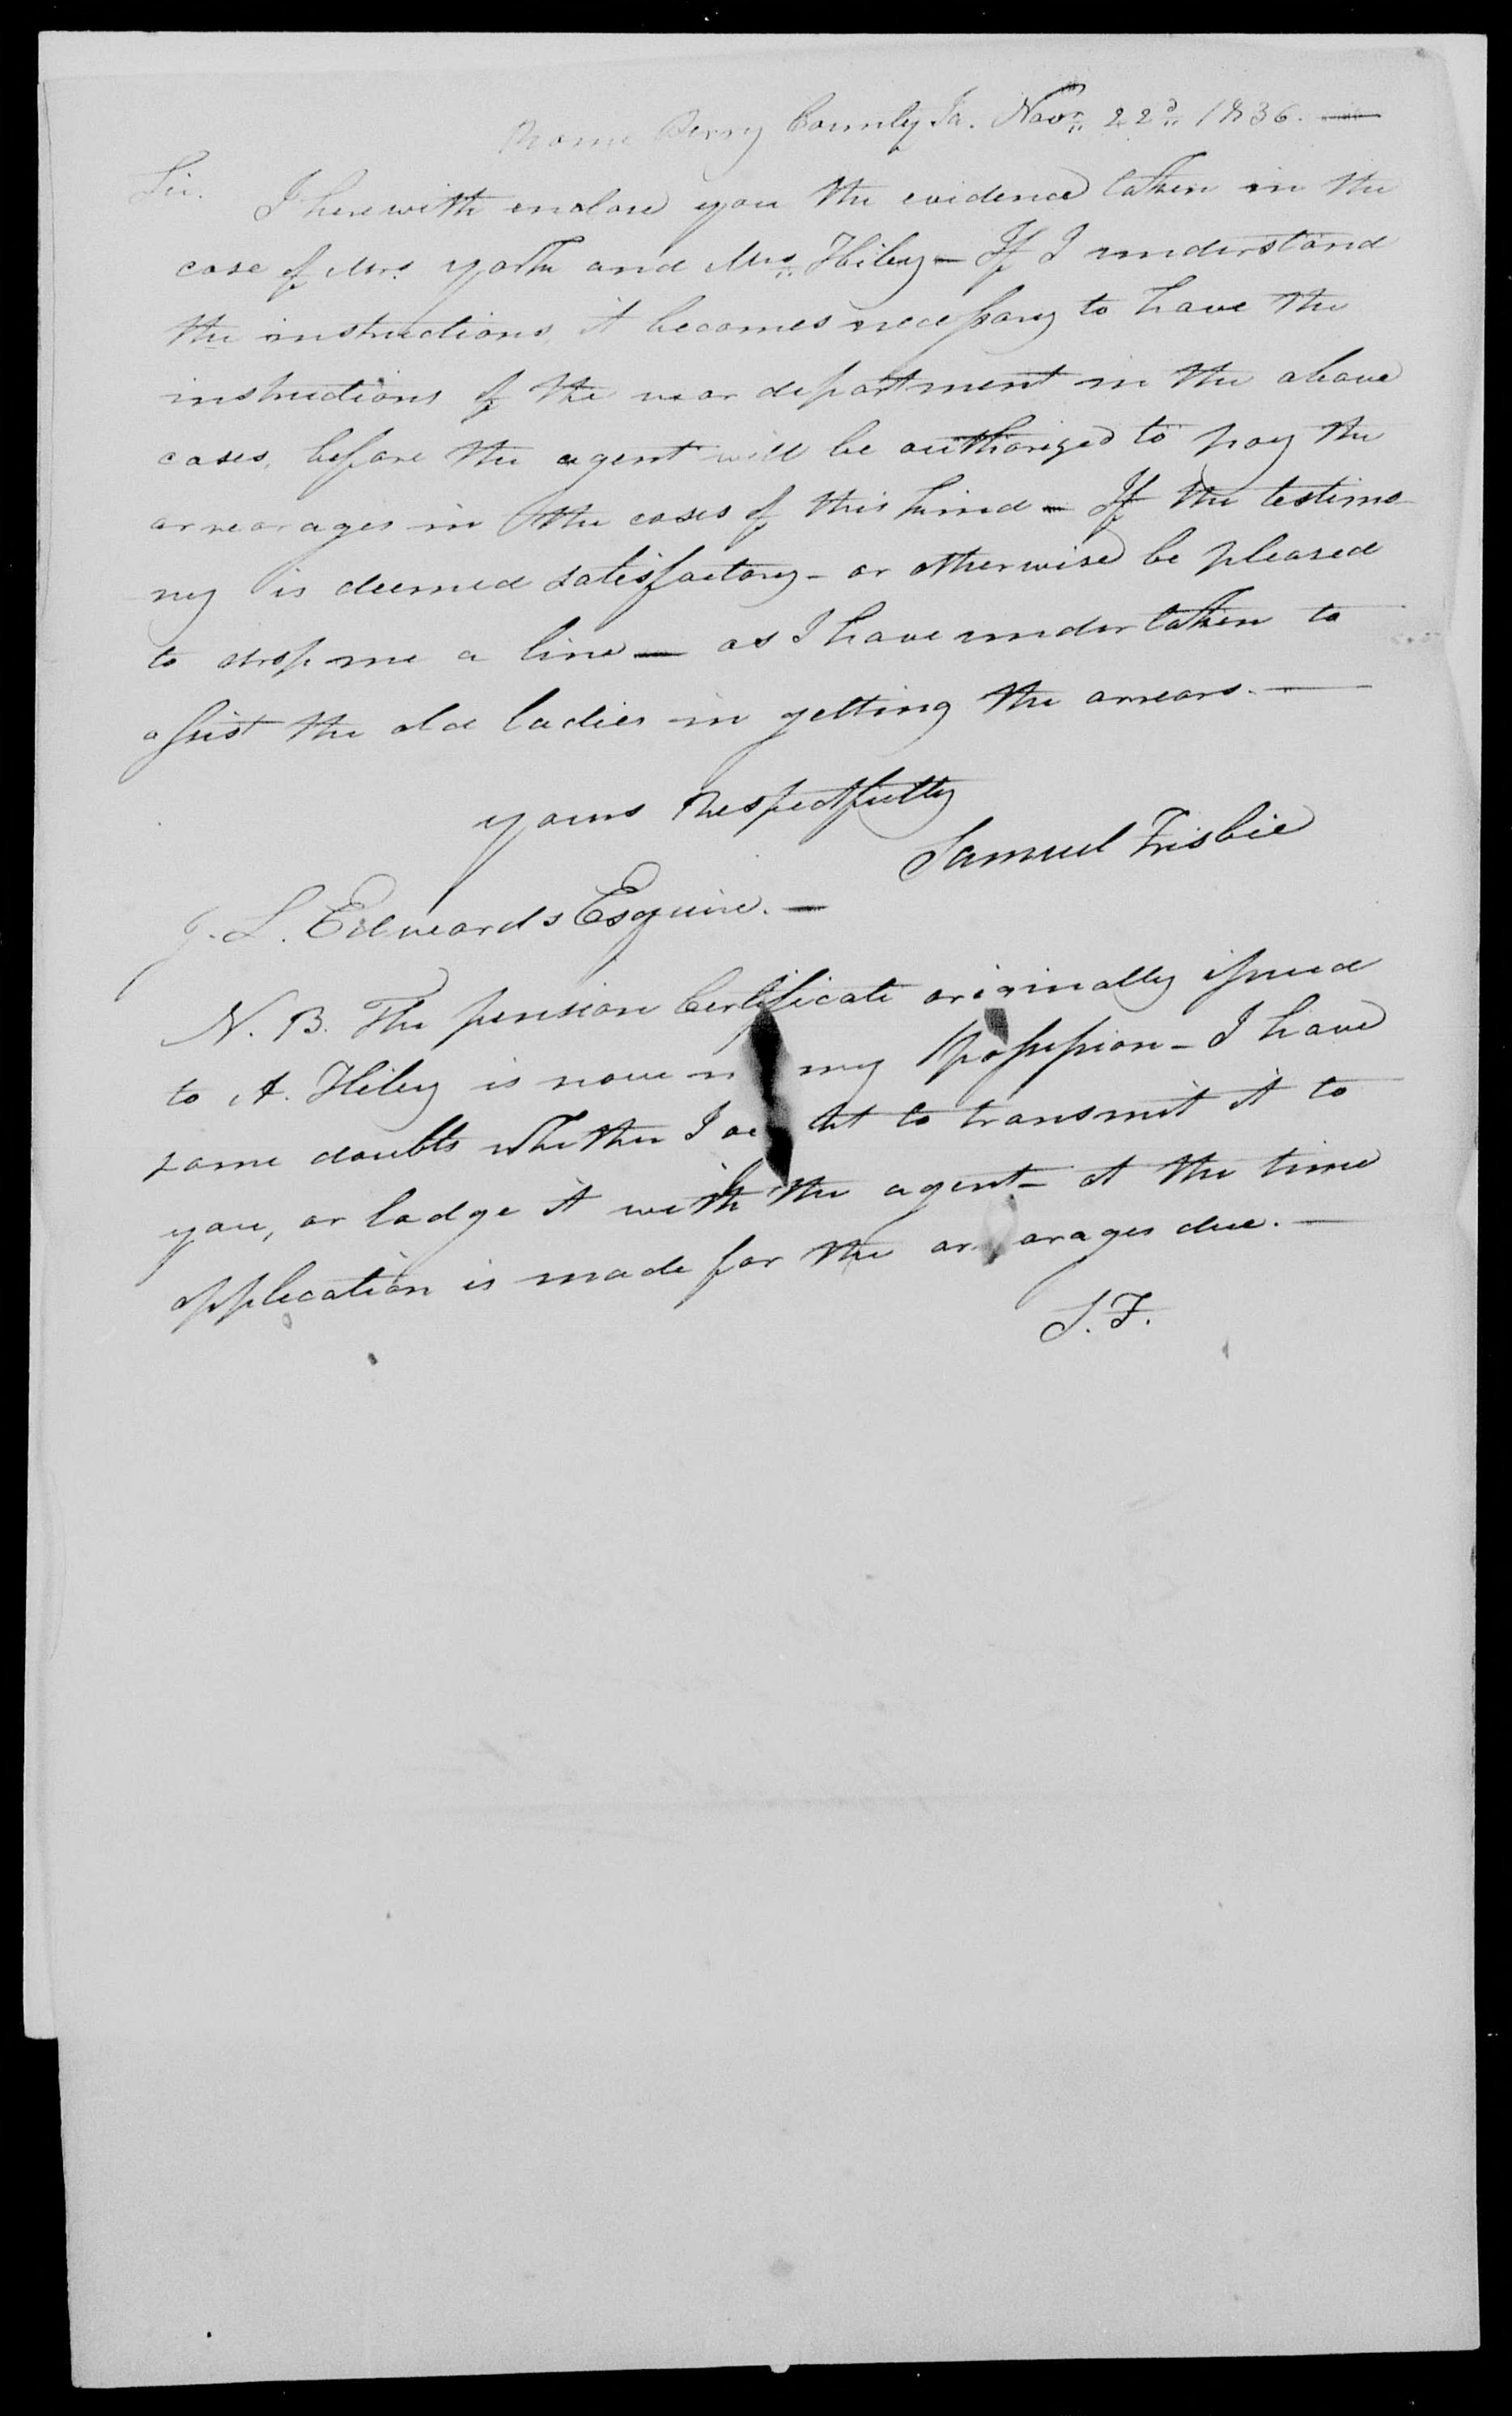From Derry County In.  Nov 22d 1836
I herewith enclose you the evidence taken in the case of Mr Martin and Mr Hiley, If I understand the instructions it becomes necessary to have the
instructions of the war department in the above cases, before the agent will be authorized to pay the arrearages in the cases of this kind.  If the testimony is deemed satisfactory or otherwise be released to drop me a line, as I have undertaken to a just the old ladies in getting the answers

Yours Respectfully

Samuel Frisbie

J. L. Edwards Esquire.

N. B.  the pension Certificate originally issued to it.  Hiley is now in my possession.  I have some doubts whether I ought to transmit it to you, or lodge it with the agent, at the time application is made for the arranges due.

S. F.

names: Samuel Frisbie, J L Edwards, A Hiley, Hiley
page: 18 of 18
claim: survivor's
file: S. 31744, Abraham Hiley, Penn.